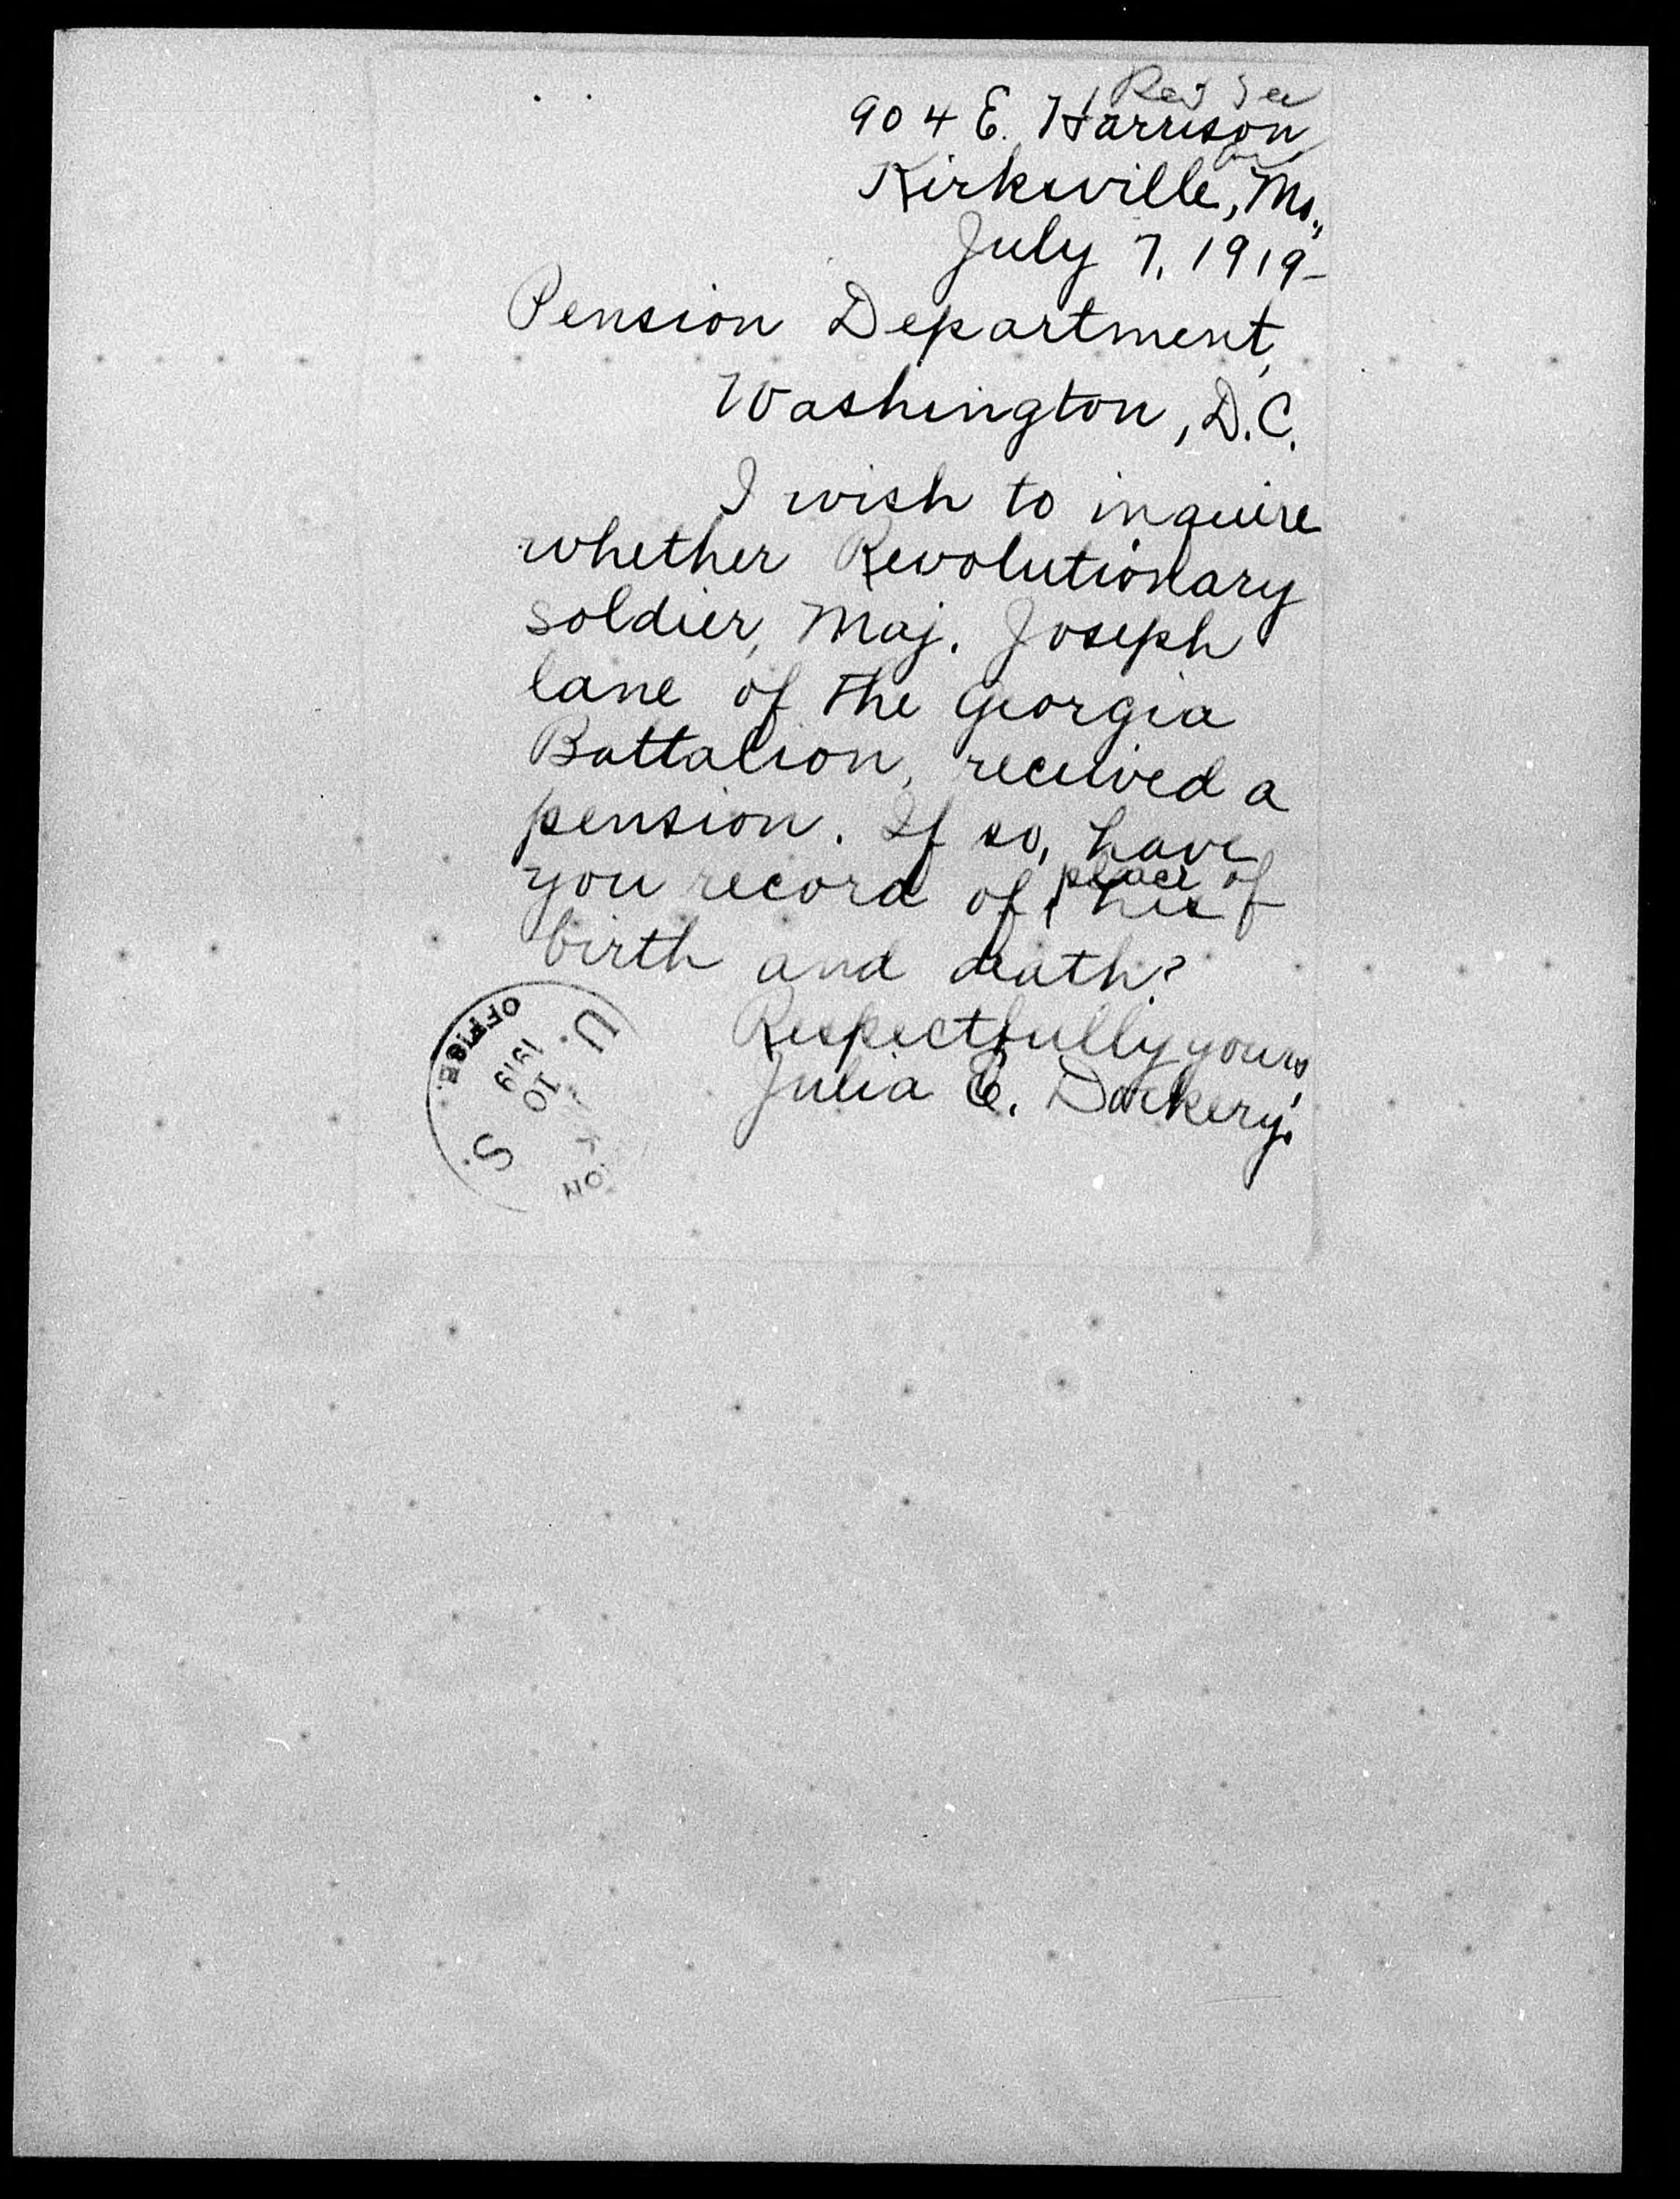904 E. Harrison
Kirksville, MO

July 7, 1919

Pension Department
Washington, DC

I wish to inquire whether Revolutionary soldier, Maj. Joseph Lane of the Georgia Battalion, received a pension. If so, have you record of place of his birth and death?

Respectfully yours,
Julia E. Dockery

Postmarked US July 10, 1919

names: Joseph Lane; Julia E Dockery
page: 2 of 3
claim: bounty land warrant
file: B. L. Wt.1325-400, for Joseph Lane, Georgia